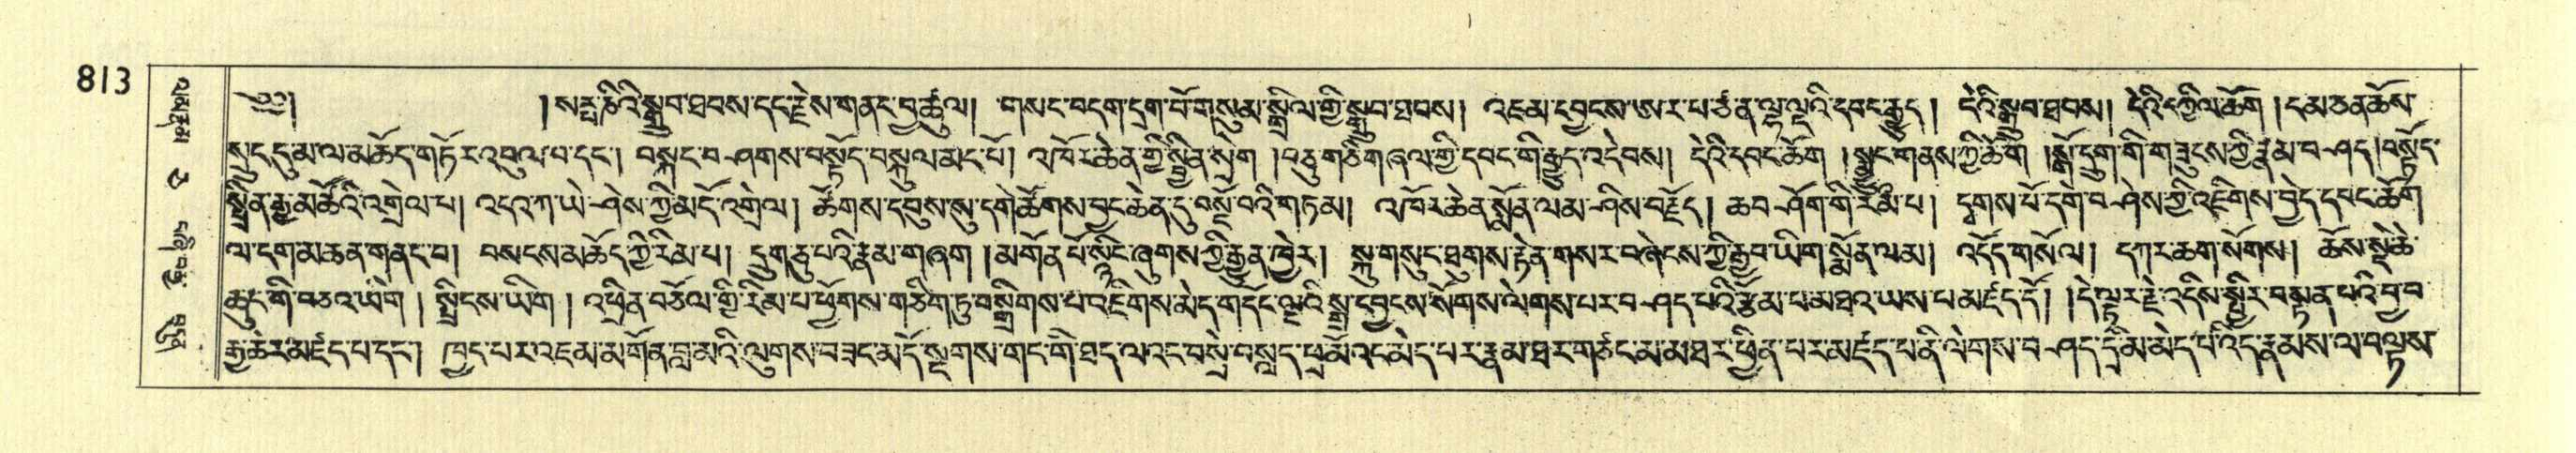༄༅། །སརྤ་ཎིའི་སྒྲུབ་ཐབས་དང་རྗེས་གནང་བྱ་ཚུལ། གསང་བདག་དྲག་པོ་གསུམ་སྒྲིལ་གྱི་སྒྲུབ་ཐབས། འཇམ་དབྱངས་ཨ་ར་པ་ཙ་ན་ལྷ་ལྔའི་དབང་རྒྱུད། དེའི་སྒྲུབ་ཐབས། དེའི་དཀྱིལ་ཆོག །དམ་ཅན་ཆོས་
སྲུང་དུ་མ་ལ་མཆོད་གཏོར་འབུལ་བ་དང་། བསྐང་བཤགས་བསྟོད་བསྐུལ་མང་པོ། འཁོར་ཆེན་གྱི་སྦྱིན་སྲེག །བཅུ་གཅིག་ཞལ་གྱི་དབང་གི་རྒྱུད་འདེབས། དེའི་དབང་ཆོག །སྨྱུང་གནས་ཀྱི་ཆོ་ག །སྒོ་དྲུག་གི་གཟུངས་ཀྱི་རྣམ་བཤད། བསྟོད་
སྤྲིན་རྒྱ་མཚོའི་འགྲེལ་པ། འདའ་ཀ་ཡེ་ཤེས་ཀྱི་མདོ་འགྲེལ། ཚོགས་དབུས་སུ་དགེ་ཚོགས་བྱང་ཆེན་དུ་བསྔོ་བའི་གཏམ། འཁོར་ཆེན་སྨོན་ལམ་ཤིས་བརྗོད། ཆབ་ཤོག་དི་རིམ་པ། དྭགས་པོ་དགེ་བཤེས་ཀྱི་འཇིགས་བྱེད་དབང་ཆོག་
ལ་དག་མཆན་གནང་བ། བསངས་མཆོད་ཀྱི་རིམ་པ། དྲུག་ཅུ་པའི་རྣམ་གཞག །མགོན་པོ་སྙིང་ཞུགས་ཀྱི་རྒྱུན་ཁྱེར། སྐུ་གསུང་ཐུགས་རྟེན་གསར་བཞེངས་ཀྱི་རྒྱབ་ཡིག་སྨོན་ལམ། འདོད་གསོལ། དཀར་ཆག་སོགས། ཆོས་སྡེ་ཆེ་
ཆུང་གི་བཅའ་ཡིག །སྤྲིངས་ཡིག། འཕྲིན་བཅོལ་གྱི་རིམ་པ་ཕྱོགས་གཅིག་ཏུ་བསྒྲིགས་པ་འཇིགས་མེད་གདོང་ལྔའི་སྒྲ་དབྱངས་སོགས་ལེགས་པར་བཤད་པའི་རྩོམ་པ་མཐའ་ཡས་པ་མཛད་དོ། །དེ་ལྟར་རྗེ་འདིས་སྤྱིར་བསྟན་པའི་བྱ་བ་
རྒྱ་ཆེར་མཛད་པ་དང་། ཁྱད་པར་འཇམ་མགོན་བླ་མའི་ལུགས་བཟང་མདོ་སྔགས་གང་གི་ཐད་ལའང་བསྲེ་བསླད་ཕྲ་མོའང་མེད་པར་རྣམ་ཐར་གཙང་མ་མཐར་ཕྱིན་པར་མཛད་པ་ནི་ལེགས་བཤད་དྲི་མ་མེད་པ་འདི་རྣམས་ལ་བལྟས་